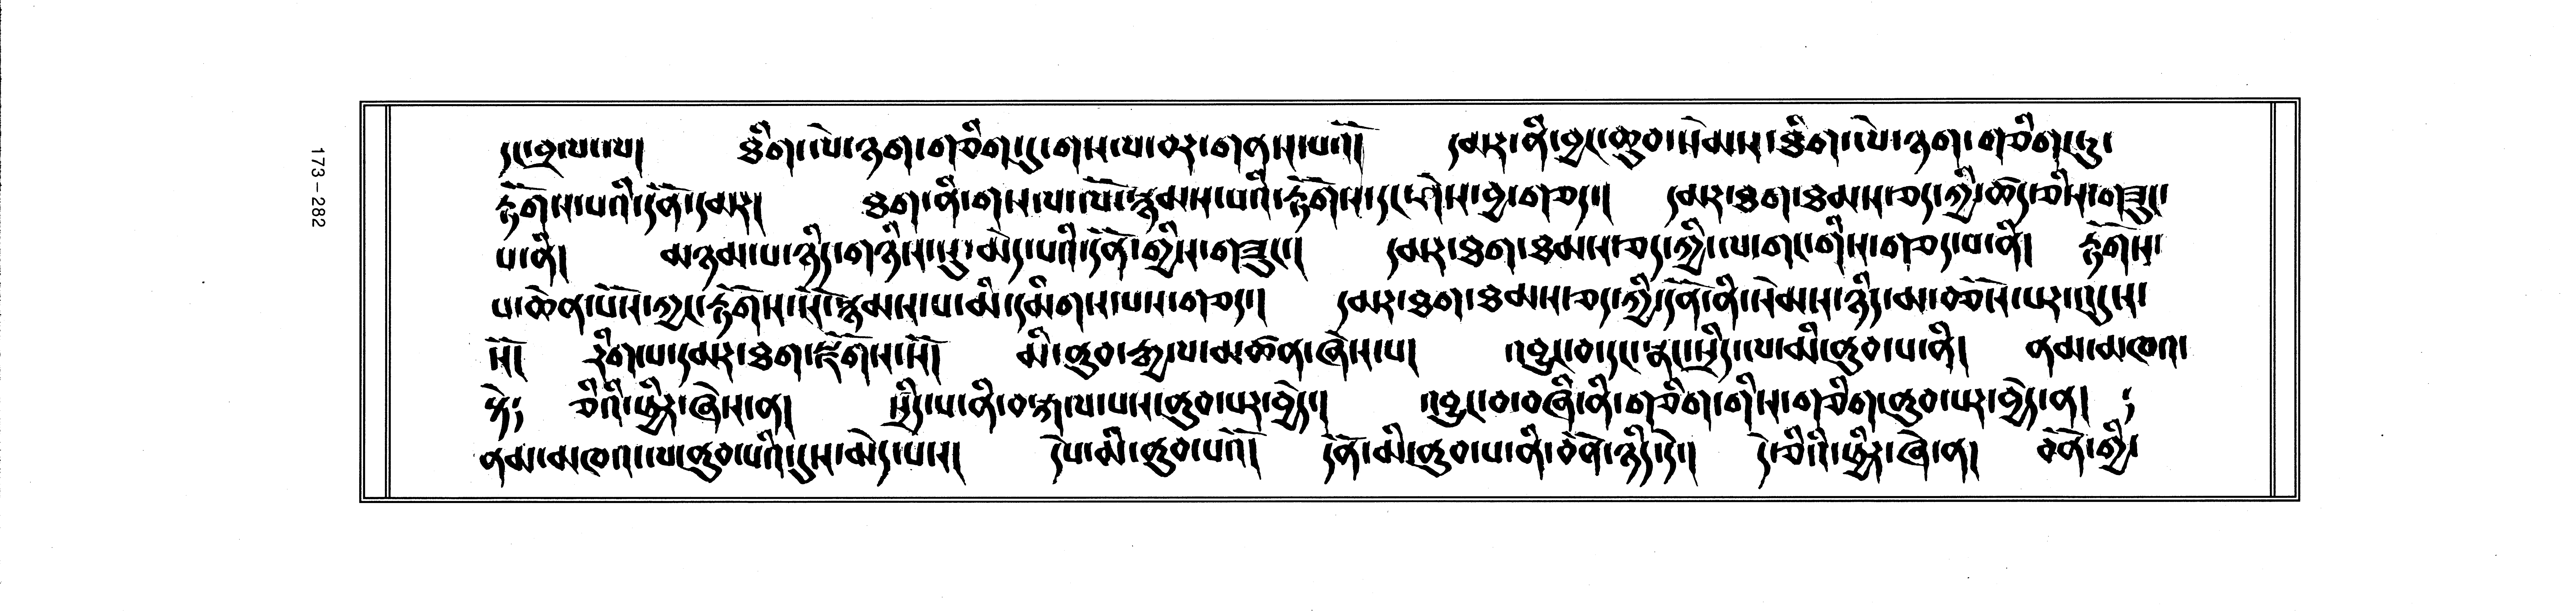དང་བྲལ་ལ། ཐིག་ལེ་ཉག་གཅིག་ཏུ་གསལ་བར་གནས་པའོ། །དམར་ནི་བྱང་ཆུབ་ཀྱི་སེམས་ཐིག་ལེ་ཉག་གཅིག་ཏུ་
རྟོགས་པའི་དོན་དམར། ཐག་ནི་གསལ་ལོ་སྙམ་པའི་རྟོག་དང་ཤེས་བྱ་གཅད། དམར་ཐག་ཐམས་ཅད་ཀྱི་ཚད་ཅིས་གཟུང་
བ་ནི། མཉམ་པ་ཉིད་གཉིས་སུ་མེད་པའི་དོན་གྱིས་གཟུང་། དམར་ཐག་ཐམས་ཅད་ཀྱི་ལ་གང་གིས་གཅད་པ་ནི། རྟོགས་
པ་ཆེན་པོས་ཀྱང་རྟོགས་སོ་སྙམ་པ་མི་དམིགས་པས་གཅད། དམར་ཐག་ཐམས་ཅད་ཀྱི་དོན་ནི་སེམས་ཉིད་མ་བཅོས་པར་འདུས་
སོ། །རིག་པ་དམར་ཐག་རྫོགས་སོ།། །། མི་ནུབ་རྒྱལ་མཚན་ཞེས་པ་འབྱུང་བ་དང་སྣང་སྲིད་ལ་མི་ནུབ་པ་ནི། ནམ་མཁའ་
སྟེ། ཅིའི་ཕྱིར་ཞེ་ན། སྲིད་པ་ནི་བསྐལ་པས་ནུབ་པར་བྱེད། འབྱུང་བ་བཞི་ནི་གཅིག་གིས་གཅིག་ནུབ་པར་བྱེད་ན། 
ནམ་མཁའ་ལ་ནུབ་པའི་དུས་མེད་པས། དཔེ་མི་ནུབ་པའོ། །དོན་མི་ནུབ་པ་ནི་བོན་ཉིད་དེ། དེ་ཅིའི་ཕྱིར་ཞེ་ན། བོན་གྱི་